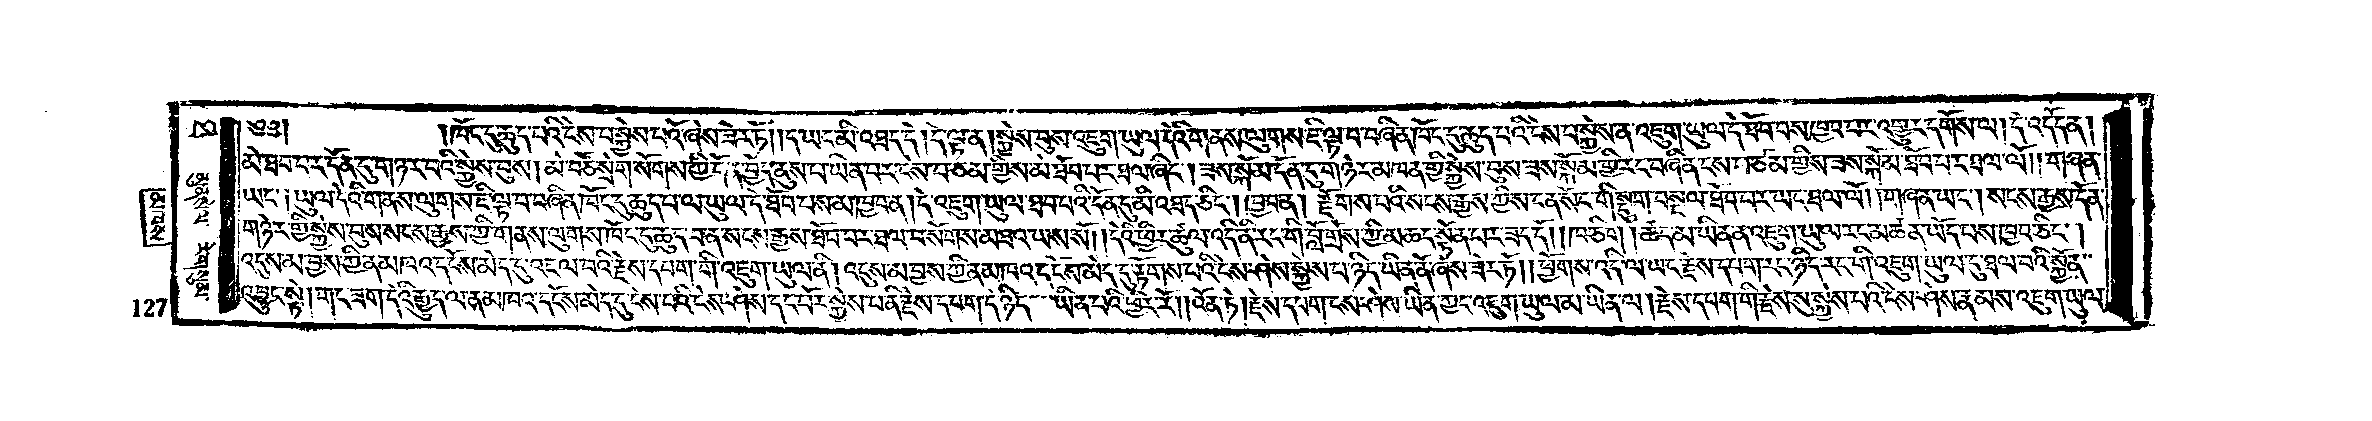༄༅། །ཁོང་དུ་ཆུད་པའི་ངེས་པ་སྐྱེས་པའོ་ཞེས་ཟེར་ཏོ། །ད་ཡང་མི་འཐད་དེ། དེ་ལྟ་ན། སྐྱེས་བུས་འཇུག་ཡུལ་དེའི་གནས་ལུགས་ཇི་ལྟ་བ་བཞིན་ཁོང་དུ་ཆུད་པའི་ངེས་པ་སྐྱེས་ན་འཇུག་ཡུལ་དེ་ཐོབ་བས་ཁྱབ་པར་འགྱུར་དགོས་ལ། དེ་འདོད་ན།
མེ་ཐབ་པར་དོན་དུ་གཉར་བའི་སྐྱེས་བུས། མེ་བཙོ་སྲེག་སོགས་ཀྱི་དོན་བྱེད་ནུས་པ་ཡིན་པར་ངེས་པ་ཙམ་གྱིས་མེ་ཐོབ་པར་ཐལ་ཞིང་། ཟས་སྐོམ་དོན་དུ་གཉེར་མཁན་གྱི་སྐྱེས་བུས་ཟས་སྐོམ་གྱི་རང་བཞིན་ངས་པ་ཙམ་གྱིས་ཟས་སྐོམ་ཐོབ་པར་ཐལ་ལོ། །གཞན་
ཡང༑ ཡུལ་དེའི་གནས་ལུགས་ཇི་ལྟ་བ་བཞིན་ཁོང་དུ་ཆུད་པ་ལ་ཡུལ་དེ་ཐོབ་པས་མ་ཁྱབ་ན། དེ་འཇུག་ཡུལ་ཐོབ་པའི་དོན་དུ་མི་འཐད་ཅིང་། ཁྱབ་ན། རྫོགས་པའི་སངས་རྒྱས་ཀྱིས་ངན་སོང་གི་སྡུག་བསྔལ་ཐོབ་པར་ཡང་ཐལ་ལོ། །གཞན་ཡང་། སངས་རྒྱས་དོན་
གཉེར་གྱི་སྐྱེས་བུས་སངས་རྒྱས་ཀྱི་གནས་ལུགས་ཁོང་དུ་ཆུད་བ་ན་སངས་རྒྱས་ཐོབ་པར་ཐལ་བ་སོགས་མཐའ་ཡས་སོ། །དེའི་ཕྱིར་ཚུལ་འདི་ནི་རང་གི་བློ་གྲོས་ཀྱི་མཆད་སྟོན་པར་ཟད་དོ། །ཁ་ཅིག །ཚད་མ་ཡིན་ན་འཇུག་ཡུལ་རང་མཚན་ཡོད་པས་ཁྱབ་ཅིང་།
འདུས་མ་བྱས་ཀྱི་ནམ་མཁའ་དངོས་མེད་དུ་འཇལ་བའི་རྗེས་དཔག་གི་འཇུག་ཡུལ་ནི། འདུས་མ་བྱས་ཀྱི་ནམ་མཁའ་དངོས་མེད་དུ་རྟོགས་པའི་ངེས་ཤེས་སྐྱེས་པ་ཉིད་ཡིན་ནོ་ཞེས་ཟེར་ཏོ། །ཕྱོགས་འདི་ལ་ཡང་རྗེས་དཔག་རང་ཉིད་རང་གི་འཇུག་ཡུལ་དུ་ཐལ་བའི་སྐྱོན་
འབྱུང་སྟེ། གང་ཟག་དེའི་རྒྱུད་ལ་ནམ་མཁའ་དངོས་མེད་དུ་ངེས་པའི་ངེས་ཤེས་དང་པོར་སྐྱེས་པ་ནི་རྗེས་དཔག་དེ་ཉིད་ཡིན་པའི་ཕྱིར་རོ། །འོན་ཏེ། རྗེས་དཔག་ངས་ཤེས་ཡིན་ཀྱང་འཇུག་ཡུལ་མ་ཡིན་ལ། རྗེས་དཔག་གི་རྗེས་སུ་སྐྱེས་པའི་ངེས་ཤེས་རྣམས་འཇུག་ཡུལ་